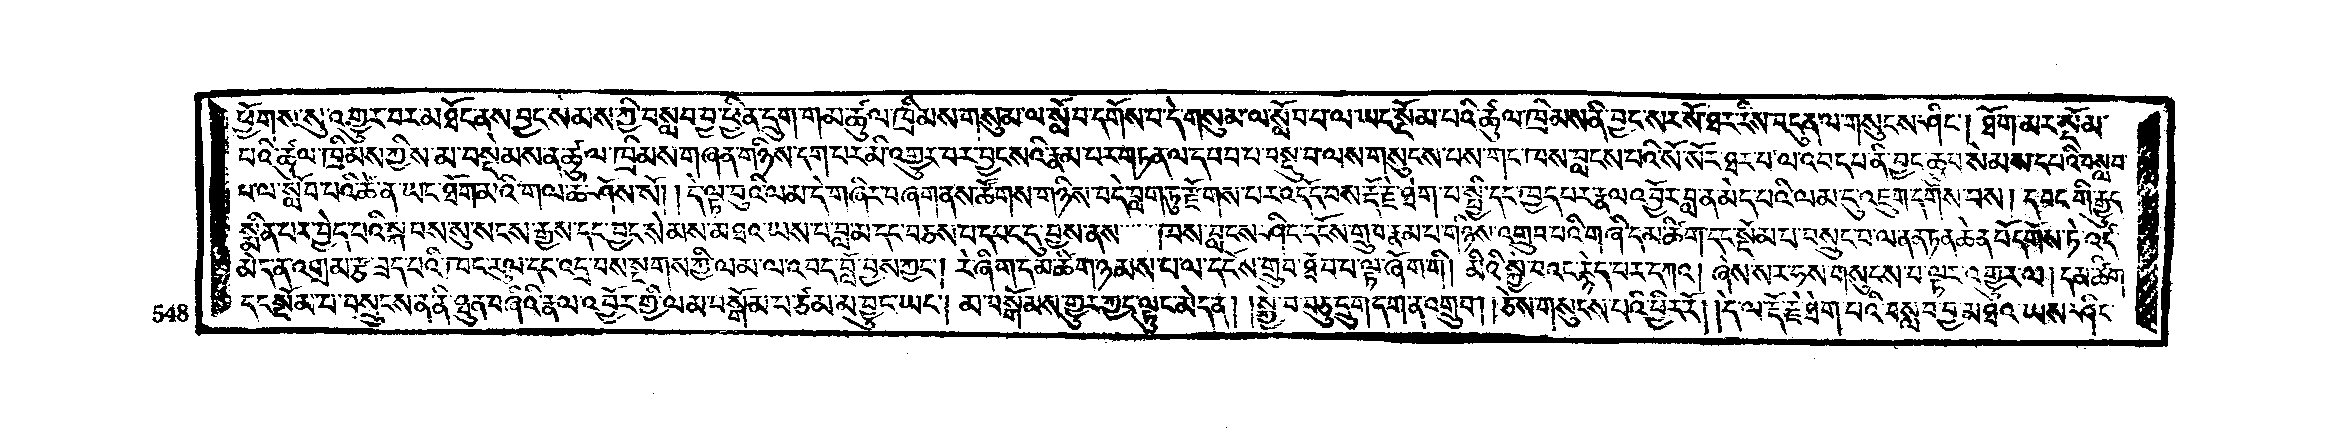ཕྱོགས་སུ་འགྱུར་བར་མཐོང་ནས་བྱང་སེམས་ཀྱི་བསླབ་བྱ་ཕྱིན་དྲུག་གམ་ཚུལ་ཁྲིམས་གསུམ་ལ་སློབ་དགོས་པ་དེ་གསུམ་ལ་སློབ་པ་ལ་ཡང་སྡོམ་པའི་ཚུལ་ཁྲིམས་ནི་བྱང་སར་སོ་ཐར་རིས་བདུན་ལ་གསུངས་ཤིང་། ཐོག་མར་སྡོམ་
པའི་ཚུལ་ཁྲིམས་ཀྱིས་མ་བསྒོམས་ན་ཚུལ་ཁྲིམས་གཞན་གཉིས་དག་པར་མི་འགྱུར་བར་བྱང་སའི་རྣམ་པར་གཏན་ལ་དབབ་པ་བསྡུ་བ་ལས་གསུངས་པས་གང་ཁས་བླངས་པའི་སོ་སོར་ཐར་པ་ལ་འབད་པ་ནི་བྱང་ཆུབ་སེམས་དཔའི་བསླབ་
པ་ལ་སློབ་པའི་ཚེ་ན་ཡང་ཐོག་མའི་གལ་ཆེ་ཤོས་སོ། །དེ་ལྟ་བུའི་ལམ་དེ་གཞིར་བཞག་ནས་ཚོགས་གཉིས་བདེ་བླག་ཏུ་རྫོགས་པར་འདོད་པས་རྡོ་རྗེ་ཐེག་པ་སྤྱི་དང་ཁྱད་པར་རྣལ་འབྱོར་བླ་ན་མེད་པའི་ལམ་དུ་འཇུག་དགོས་པས། དབང་གི་རྒྱུད་
སྨིན་པར་བྱེད་པའི་སྐབས་སུ་སངས་རྒྱས་དང་བྱང་སེམས་མཐའ་ཡས་པ་བླ་མ་དང་བཅས་པ་དབང་དུ་བྱས་ནས་ཁས་བླངས་ཤིང་དངོས་གྲུབ་རྣམ་པ་གཉིས་འགྲུབ་པའི་གཞི་དམ་ཚིག་དང་སྡོམ་པ་བསྲུང་བ་ལ་ནན་ཏན་ཆེན་པོ་དགོས་ཏེ་འདི་
མེད་ན་འགྲམ་རྩ་ཟད་པའི་ཁང་རུལ་དང་འདྲ་བས་སྔགས་ཀྱི་ལམ་ལ་འབད་བློ་བྱས་ཀྱང་། རེ་ཞིག་དམ་ཚིག་ཉམས་པ་ལ་དངོས་གྲུབ་ཐོབ་པ་ལྟ་ཞོག་གོ །མིའི་སྐྱེ་བའང་རྙེད་པར་དཀའ། ཞེས་སར་ཧས་གསུངས་པ་ལྟར་འགྱུར་ལ། དམ་ཚིག་
དང་སྡོམ་པ་བསྲུངས་ན་ནི་ཐུན་བཞིའི་རྣལ་འབྱོར་གྱི་ལམ་བསྒོམ་པ་ཙམ་མ་བྱུང་ཡང་། མ་བསྒོམས་གྱུར་ཀྱང་ལྟུང་མེད་ན། །སྐྱེ་བ་བཅུ་དྲུག་དག་ན་འགྲུབ། །ཅེས་གསུངས་པའི་ཕྱིར་རོ། །དེ་ལ་རྡོ་རྗེ་ཐེག་པའི་བསླབ་བྱ་མཐའ་ཡས་ཤིང་